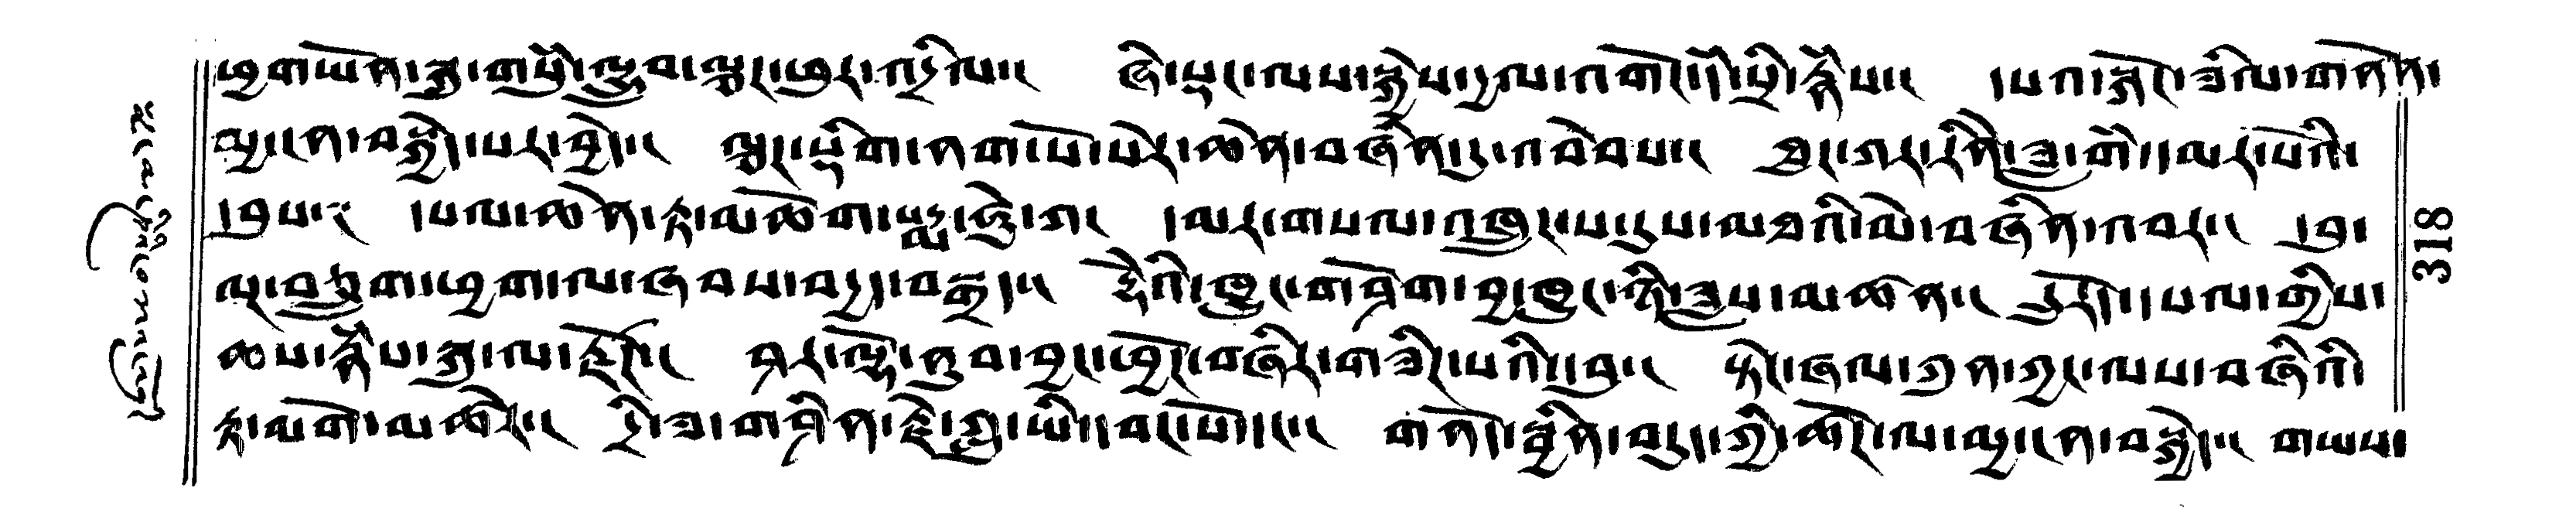ཕྱག་གཡོན་སྐུ་གསུམ་ལྷུན་གྲུབ་ལྕགས་ཕུར་འདྲིལ། །ཞེ་སྡང་ལས་སྐྱེས་རྒྱལ་འགོང་དམ་སྲི་རྣམས། །དཔའ་སྐོང་ཟིལ་གནོན་
མྱ་ངན་བསྐྱེད་པར་བྱེད། །ལྕགས་སྡིག་ནག་པོ་སེར་ཆེན་བཞིན་དུ་འབེབས། །ཐུགས་ཀར་རིན་ཆེན་ཟླ་གམ་དམར་པོའི་
དབུས། །དཔལ་ཆེན་རྟ་མཆོག་པདྨ་ཧེ་རུ་ཀ །དམར་གསལ་འཁྲུགས་པ་དུས་མཐའི་མེ་བཞིན་འབར། །དབུ་
ལྔ་བཅུ་དྲུག་ཕྱག་ལ་ཞབས་བརྒྱད་བསྒྲད། །རྡོ་རྗེའི་ཁྱུང་ཤོག་བྱ་ཁྱུང་ཉི་ཟླས་མཚན། །དུར་ཁྲོད་དཔལ་གྱིས་
ཆས་རྣམས་སྐུ་ལ་རྫོགས། །ཤར་ལྷོ་ནུབ་བྱང་ཕྱོགས་བཞིར་གཟིགས་པའི་དབུ། སྟེང་ཞལ་ཀུན་ཀྱང་ལས་བཞིའི་
རྟ་མགོ་མཚེར། །དྲི་ཟ་གཤིན་རྗེ་ཀླུ་ཡི་དབང་པོ་དང་། །གནོད་སྦྱིན་བདུད་ཀྱི་ཚོགས་ལ་མྱ་ངན་བསྐྱེད།གཡས་